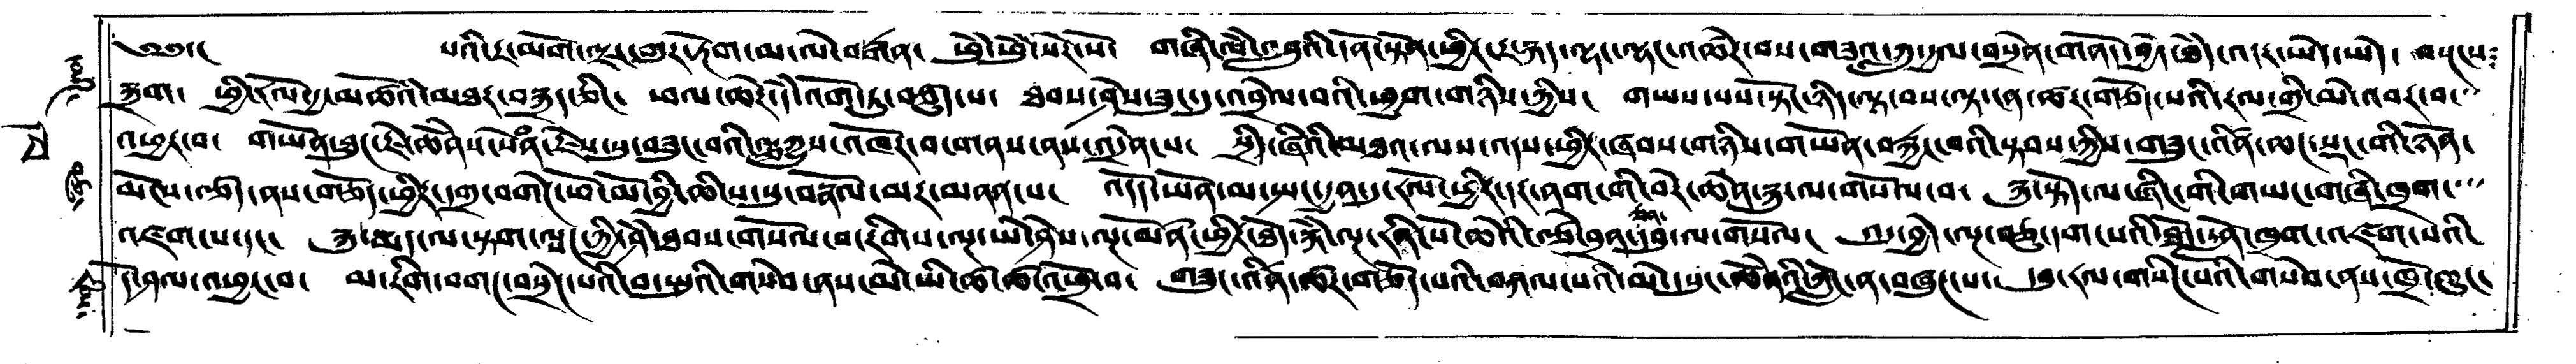པའི་རྟ་མགོ་ལྗང་གཞུར། རྔོག་མ་ལེ་བརྒན། ཕུར་བུ་སེར་སོ། གཞི་ལམ་འབྲལ་བུའི་དོན་སྟོན་ཕྱིར་རྟ་སྐད་ལྷང་ལྷང་འཚེར་བས་གཟའ་ཀླུ་རྒྱལ་བསེན་གནོད་བྱེད་ཐམས་ཅད་འདར་ཡེང་ཡེང་། བསྔངས་
ཤིང་སྐྲག་ནས་ཕྱི་རོལ་རྒྱ་མཚོའི་མཐར་བསྐྲད་ཅིང་། ཕལ་ཆེར་དམ་འོག་ཏུ་བཙུད། ཐབས་ཤེས་ཟུང་དུ་འབྲེལ་བའི་ཕྱག་གཉིས་ཀྱིས། གཡས་པས་སྟོང་ཉིད་ལྟང་བས་ལྟ་ན་ཚར་གཅོད་པའི་རལ་གྲི་མེ་འབར་བ་
འཕྱར་བ། གཡོན་ཐུགས་རྗེ་ཆེན་པོས་སེམས་ཅན་རྗེས་སུ་བཟུང་བའི་ལྕགས་ཀྱུས་འཁོར་བ་གནས་ནས་འདྲེན་པ། སྲིད་ཞིའི་མཐའ་ལས་འདས་པའི་ཞབས་གཉིས་གཡོན་བརྐྱང་བའི་སྟབས་ཀྱིས་གཟུང་འཛིན་ཆགས་སྡང་གི་ཉོན་
མོངས་རྩད་ནས་གཅོད་ཕྱིར་དགྲ་བགེགས་ཕོ་མོ་བྱི་ཆིངས་སུ་བསྣོལ་མར་མནན་པ། འདོད་ཡོན་མ་སྤངས་རྒྱན་དུ་རོལ་ཕྱིར་དར་ནག་གི་བེར་ཆེན་སྐུ་ལ་གསོལ་བ། སྐུ་སྟོད་ལ་ཞིང་གི་གཡང་གཞི་ཁྲག་
འཛག་པ་དང་། སྐུ་སྨད་ལ་སྟག་ལྤགས་ཀྱི་ཤམ་ཐབས་གསོལ་བ། རིགས་ལྔ་ཡེ་ཤེས་ལྔ་མཚོན་ཕྱིར་ཐོད་སྐམ་ལྔ་རིན་པོ་ཆེའི་རྩེ་བྲན་ཅན་དབུ་ལ་གསོལ། འདུ་བྱེད་ལྔ་བཅུ་དག་པའི་ཐོད་རློན་ཁྲག་འཛག་གི་
དོ་ཤལ་འཕྱང་བ། མ་རིག་བག་ཆགས་བསྲེག་པའི་བ་སྤུའི་གསེབ་ནས་མེ་ཡི་ཚ་ཚ་འཕྲོ་བ། གཟུང་འཛིན་ཚར་གཅོད་པ་བསྐལ་པའི་མེ་དཔུང་ཆེན་པོའི་ཀློང་ན་བཞུགས་པ། དབུ་རལ་གསིགས་པའི་གསེབ་ནས་ཁྲོ་ཆུང